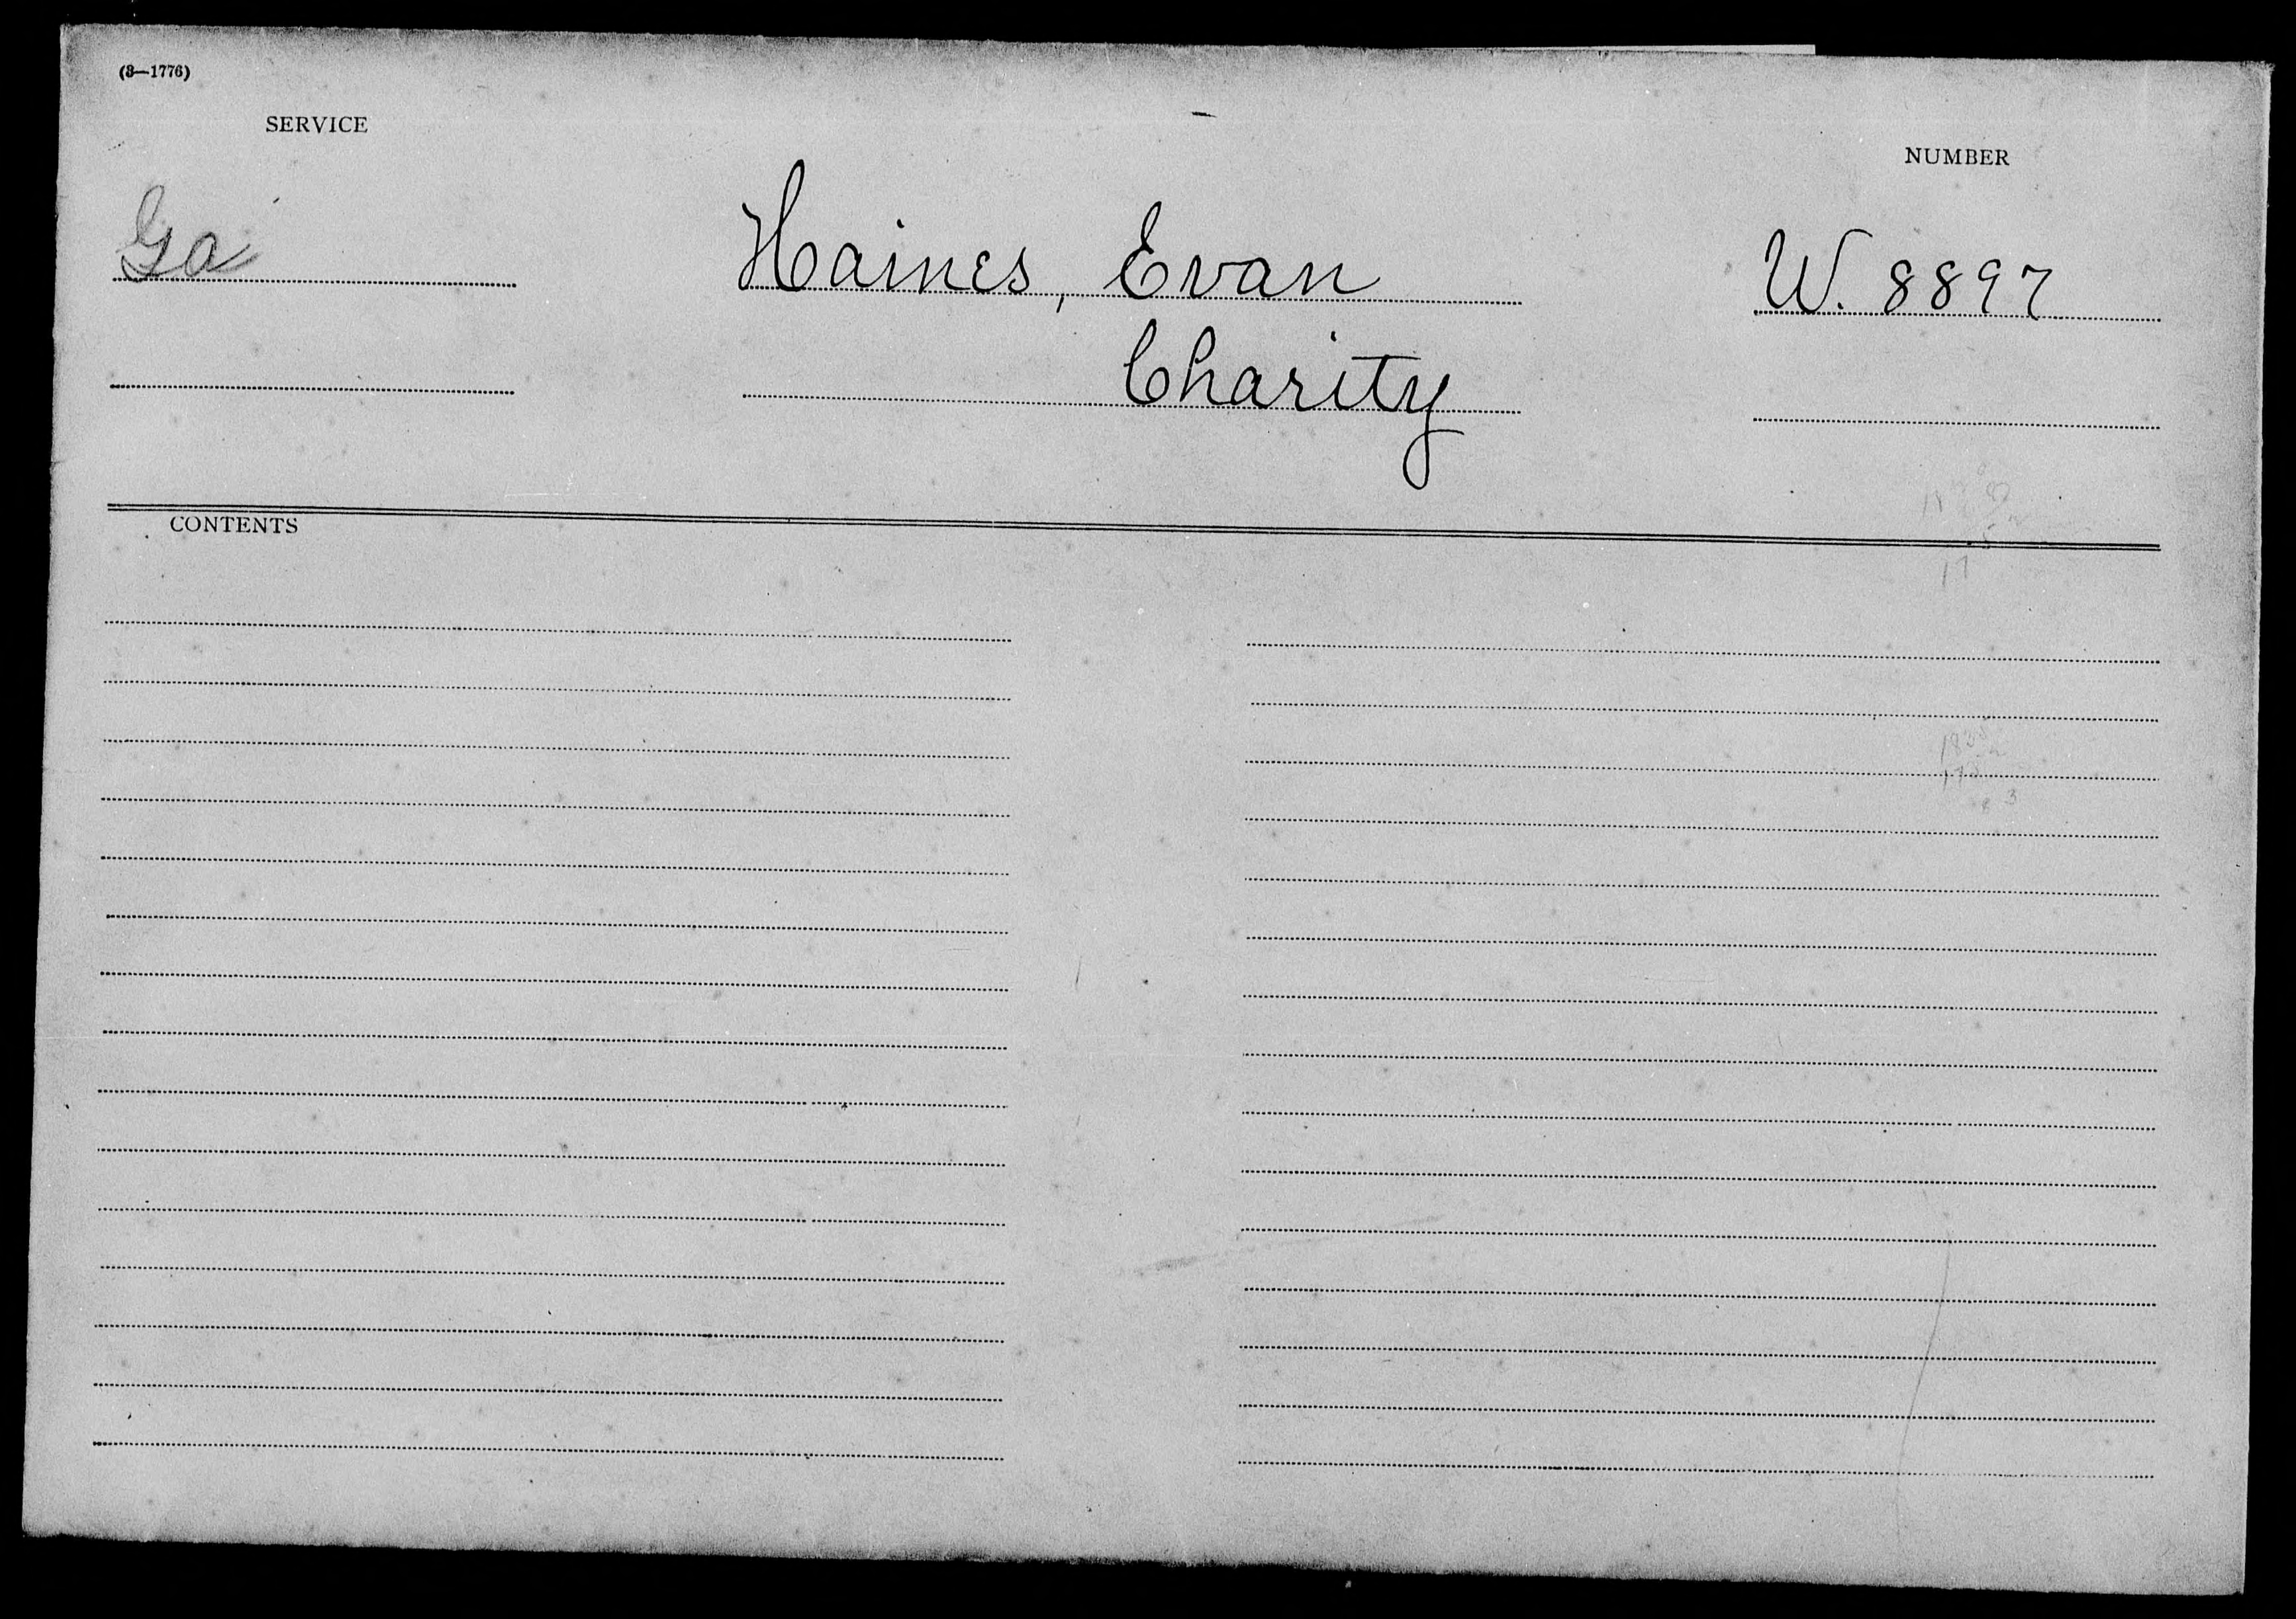SERVICE GA 
Haines, Evan 
Charity
NUMBER W.8897
CONTENT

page: 1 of 34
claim: widow's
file: W. 8897, Evan Haines, Ga